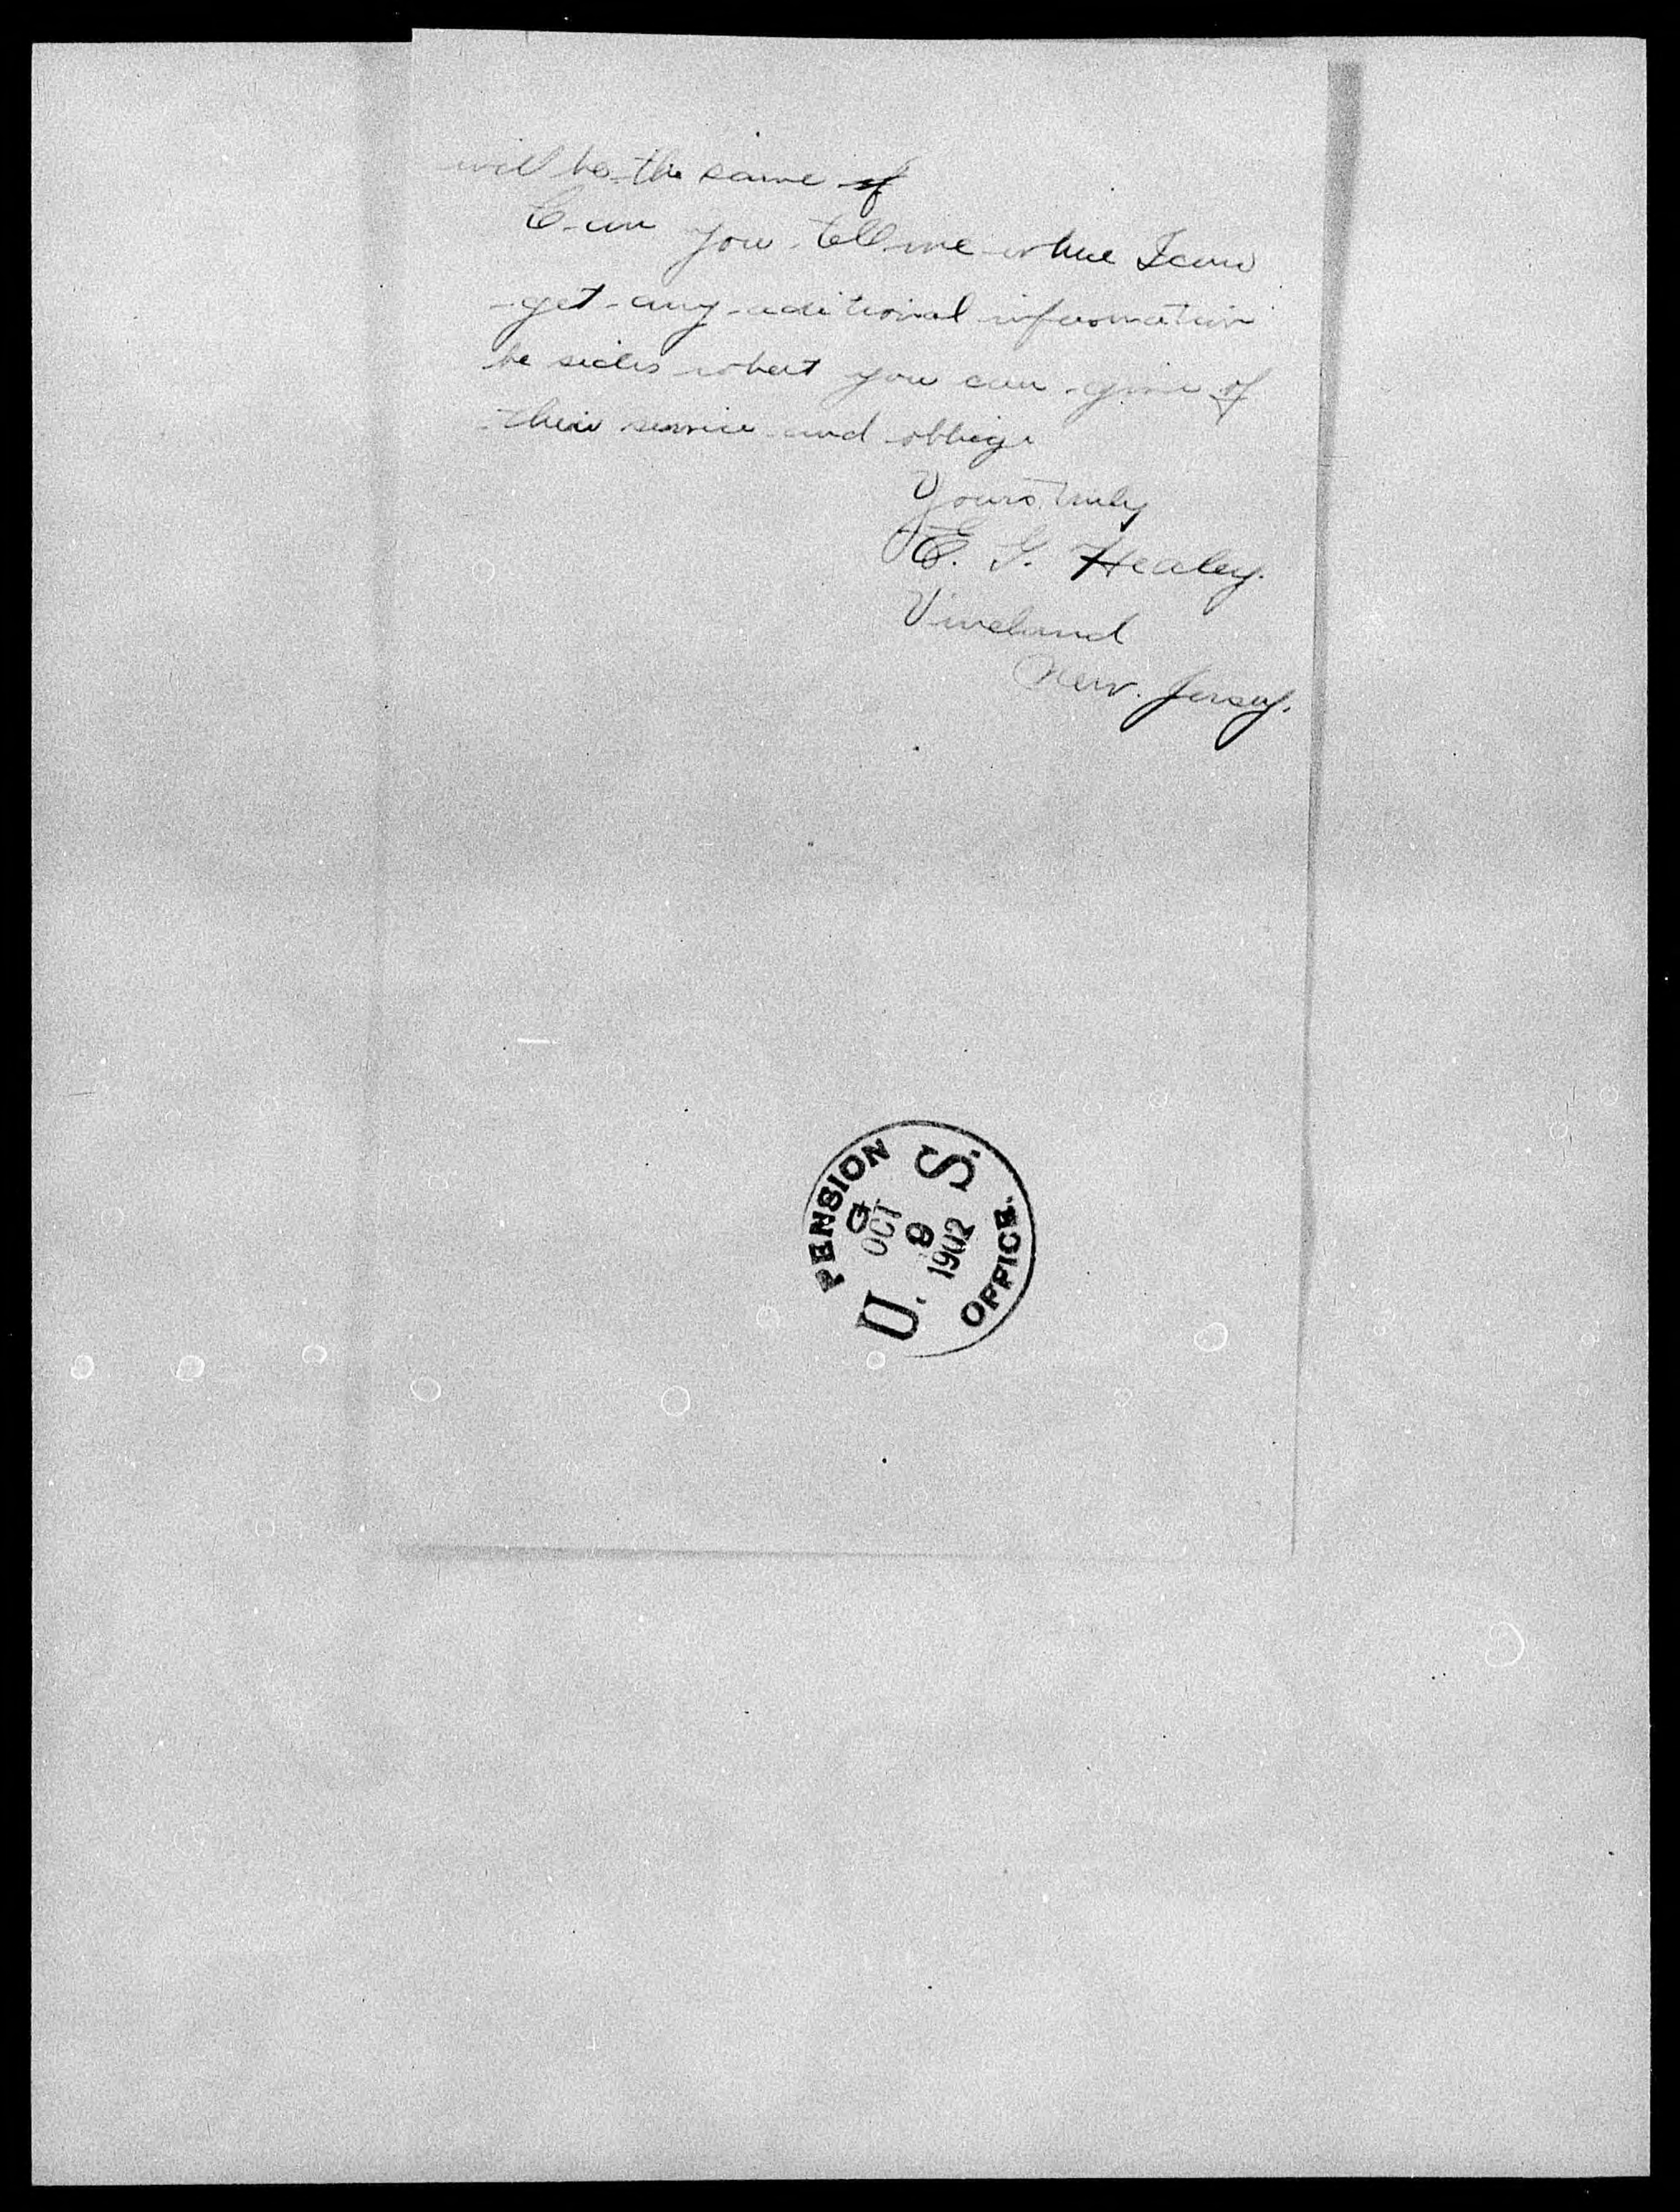will be the same if
Can you tell me where I can get any additional information besides what you can give of this service and oblig.
Yours truly
E. G. Healey
Vineland
New Jersey

[circle stamp] U.S. Pension Office Oct 9 1902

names: E G Healey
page: 27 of 36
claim: survivor's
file: S. 42,792, for John Kimball, Connecticut